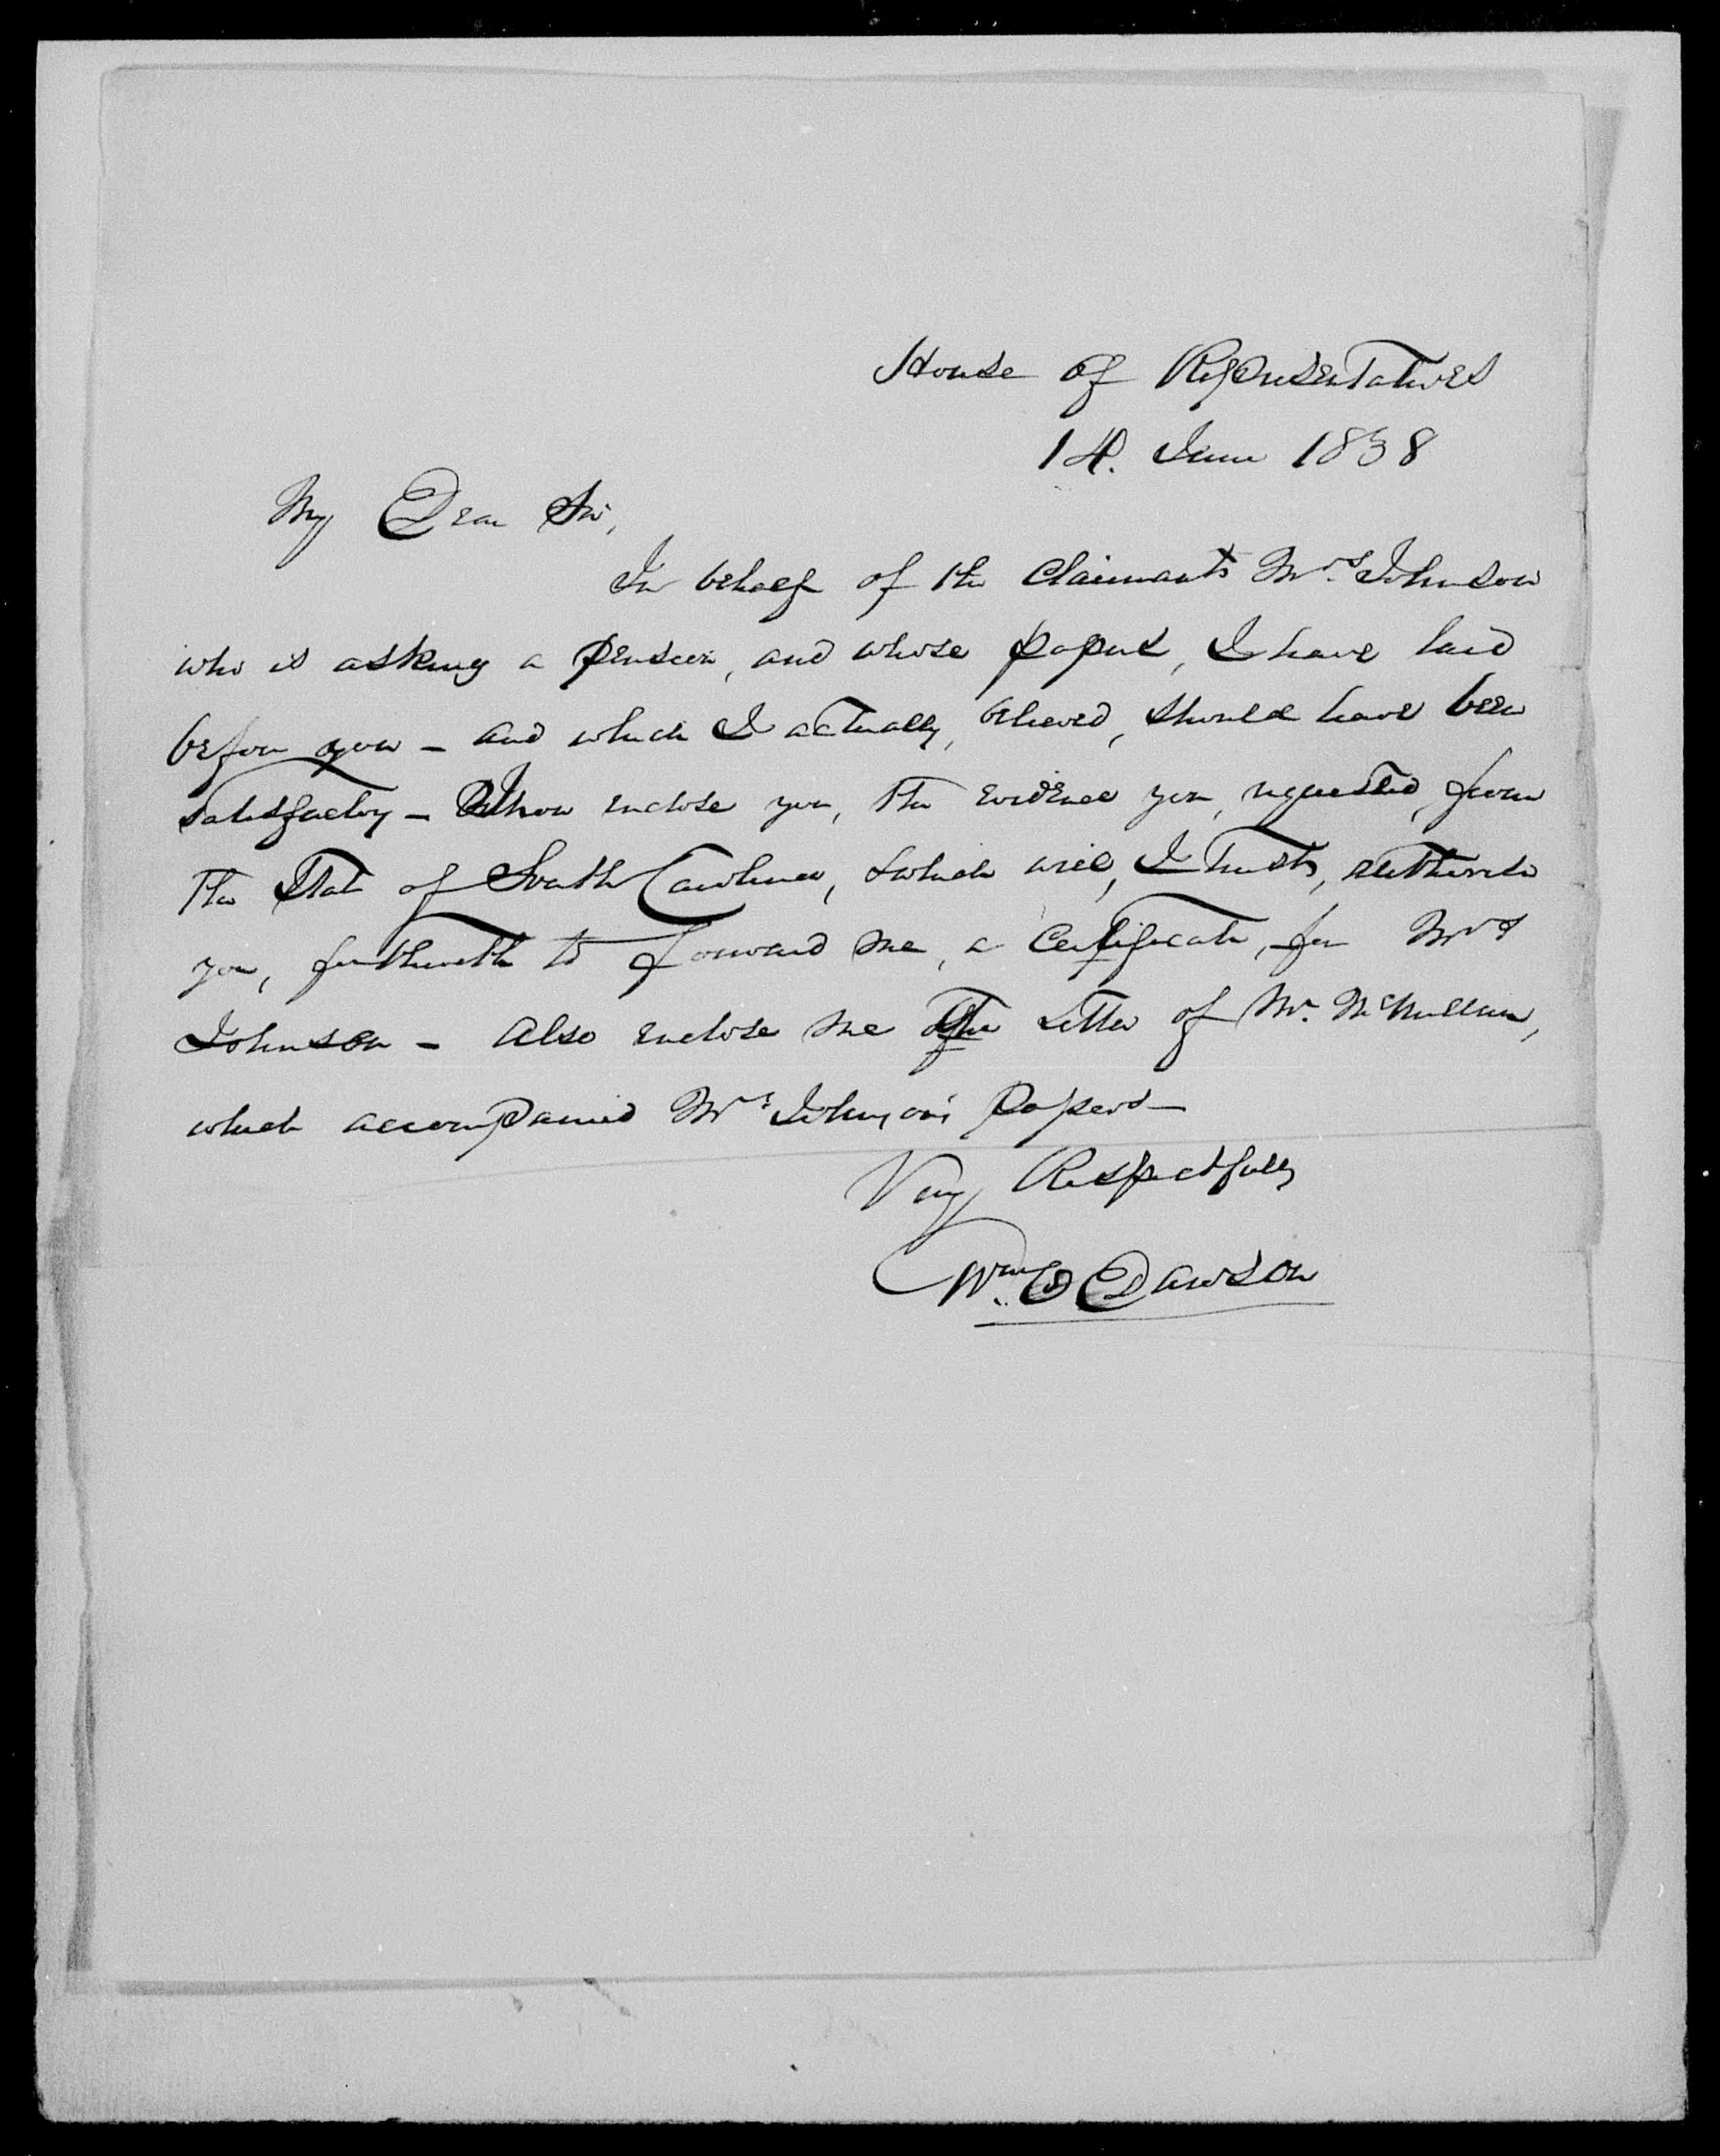House of Repententatives
14 June 1838
My Dear Sir
In behalf of the claimants Mrs. Johnson
who is asking a pension, and whose papers, I have said
before you and which I actually believed should have been
satisfactory now enclose you the evidence you requested from
the State of South Carolina, which will, I trust, there
you,
furthereth to forward me a certificate, for
Mr 
Johnson - also enclose me the letter of Mr McMullin
which accompanied Mr Johnson Papers-
Very Respectfully
W Dawson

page: 16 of 26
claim: widow's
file: W. 4464, for John H Johnson, Georgia